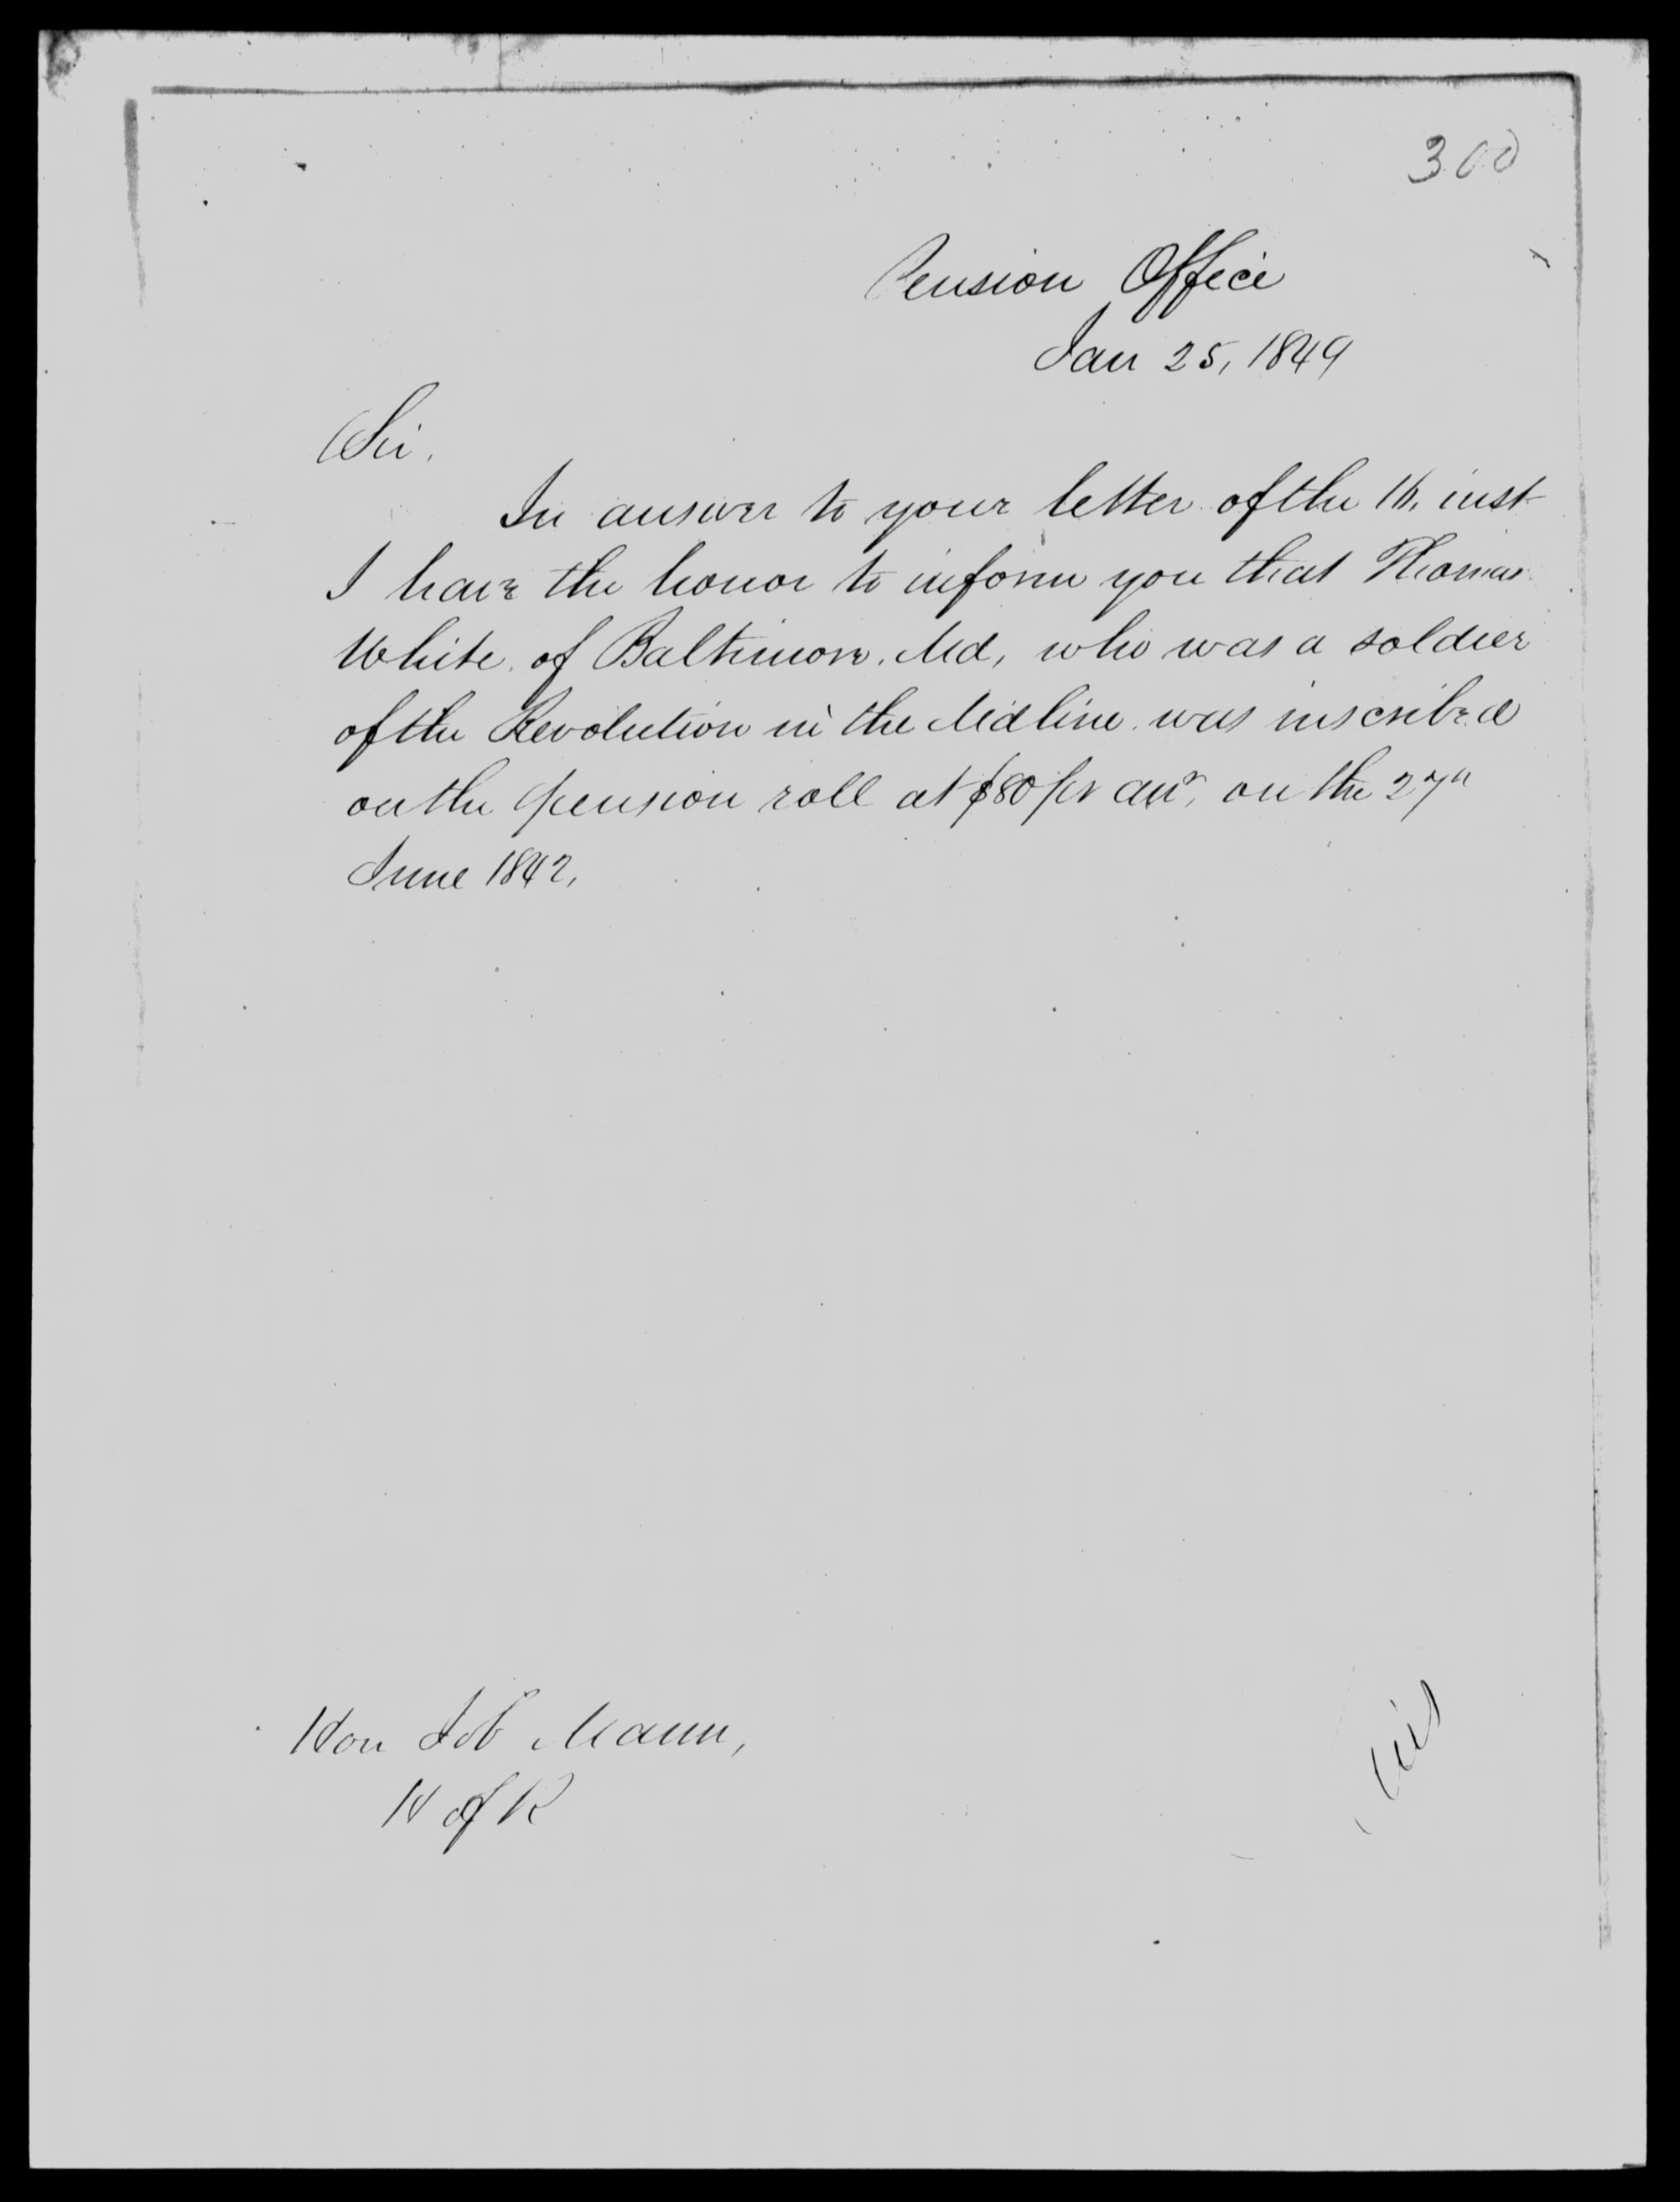300
Pension Office
Jan 25, 1849
Sir: 
In answer to your letter of the 11. inst [instant] I have the honor to inform you that Thomas White of Baltimore, Md. who was a soldier of the Revolution in the Md line was inscribed on the pension roll at $80 per anr [annum],  on the 27th June 1842,
Hon Job Mann,
H of R

[illegible]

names: Job Mann, Thomas White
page: 41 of 43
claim: survivor's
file: S. 15240, Thomas White, Md.